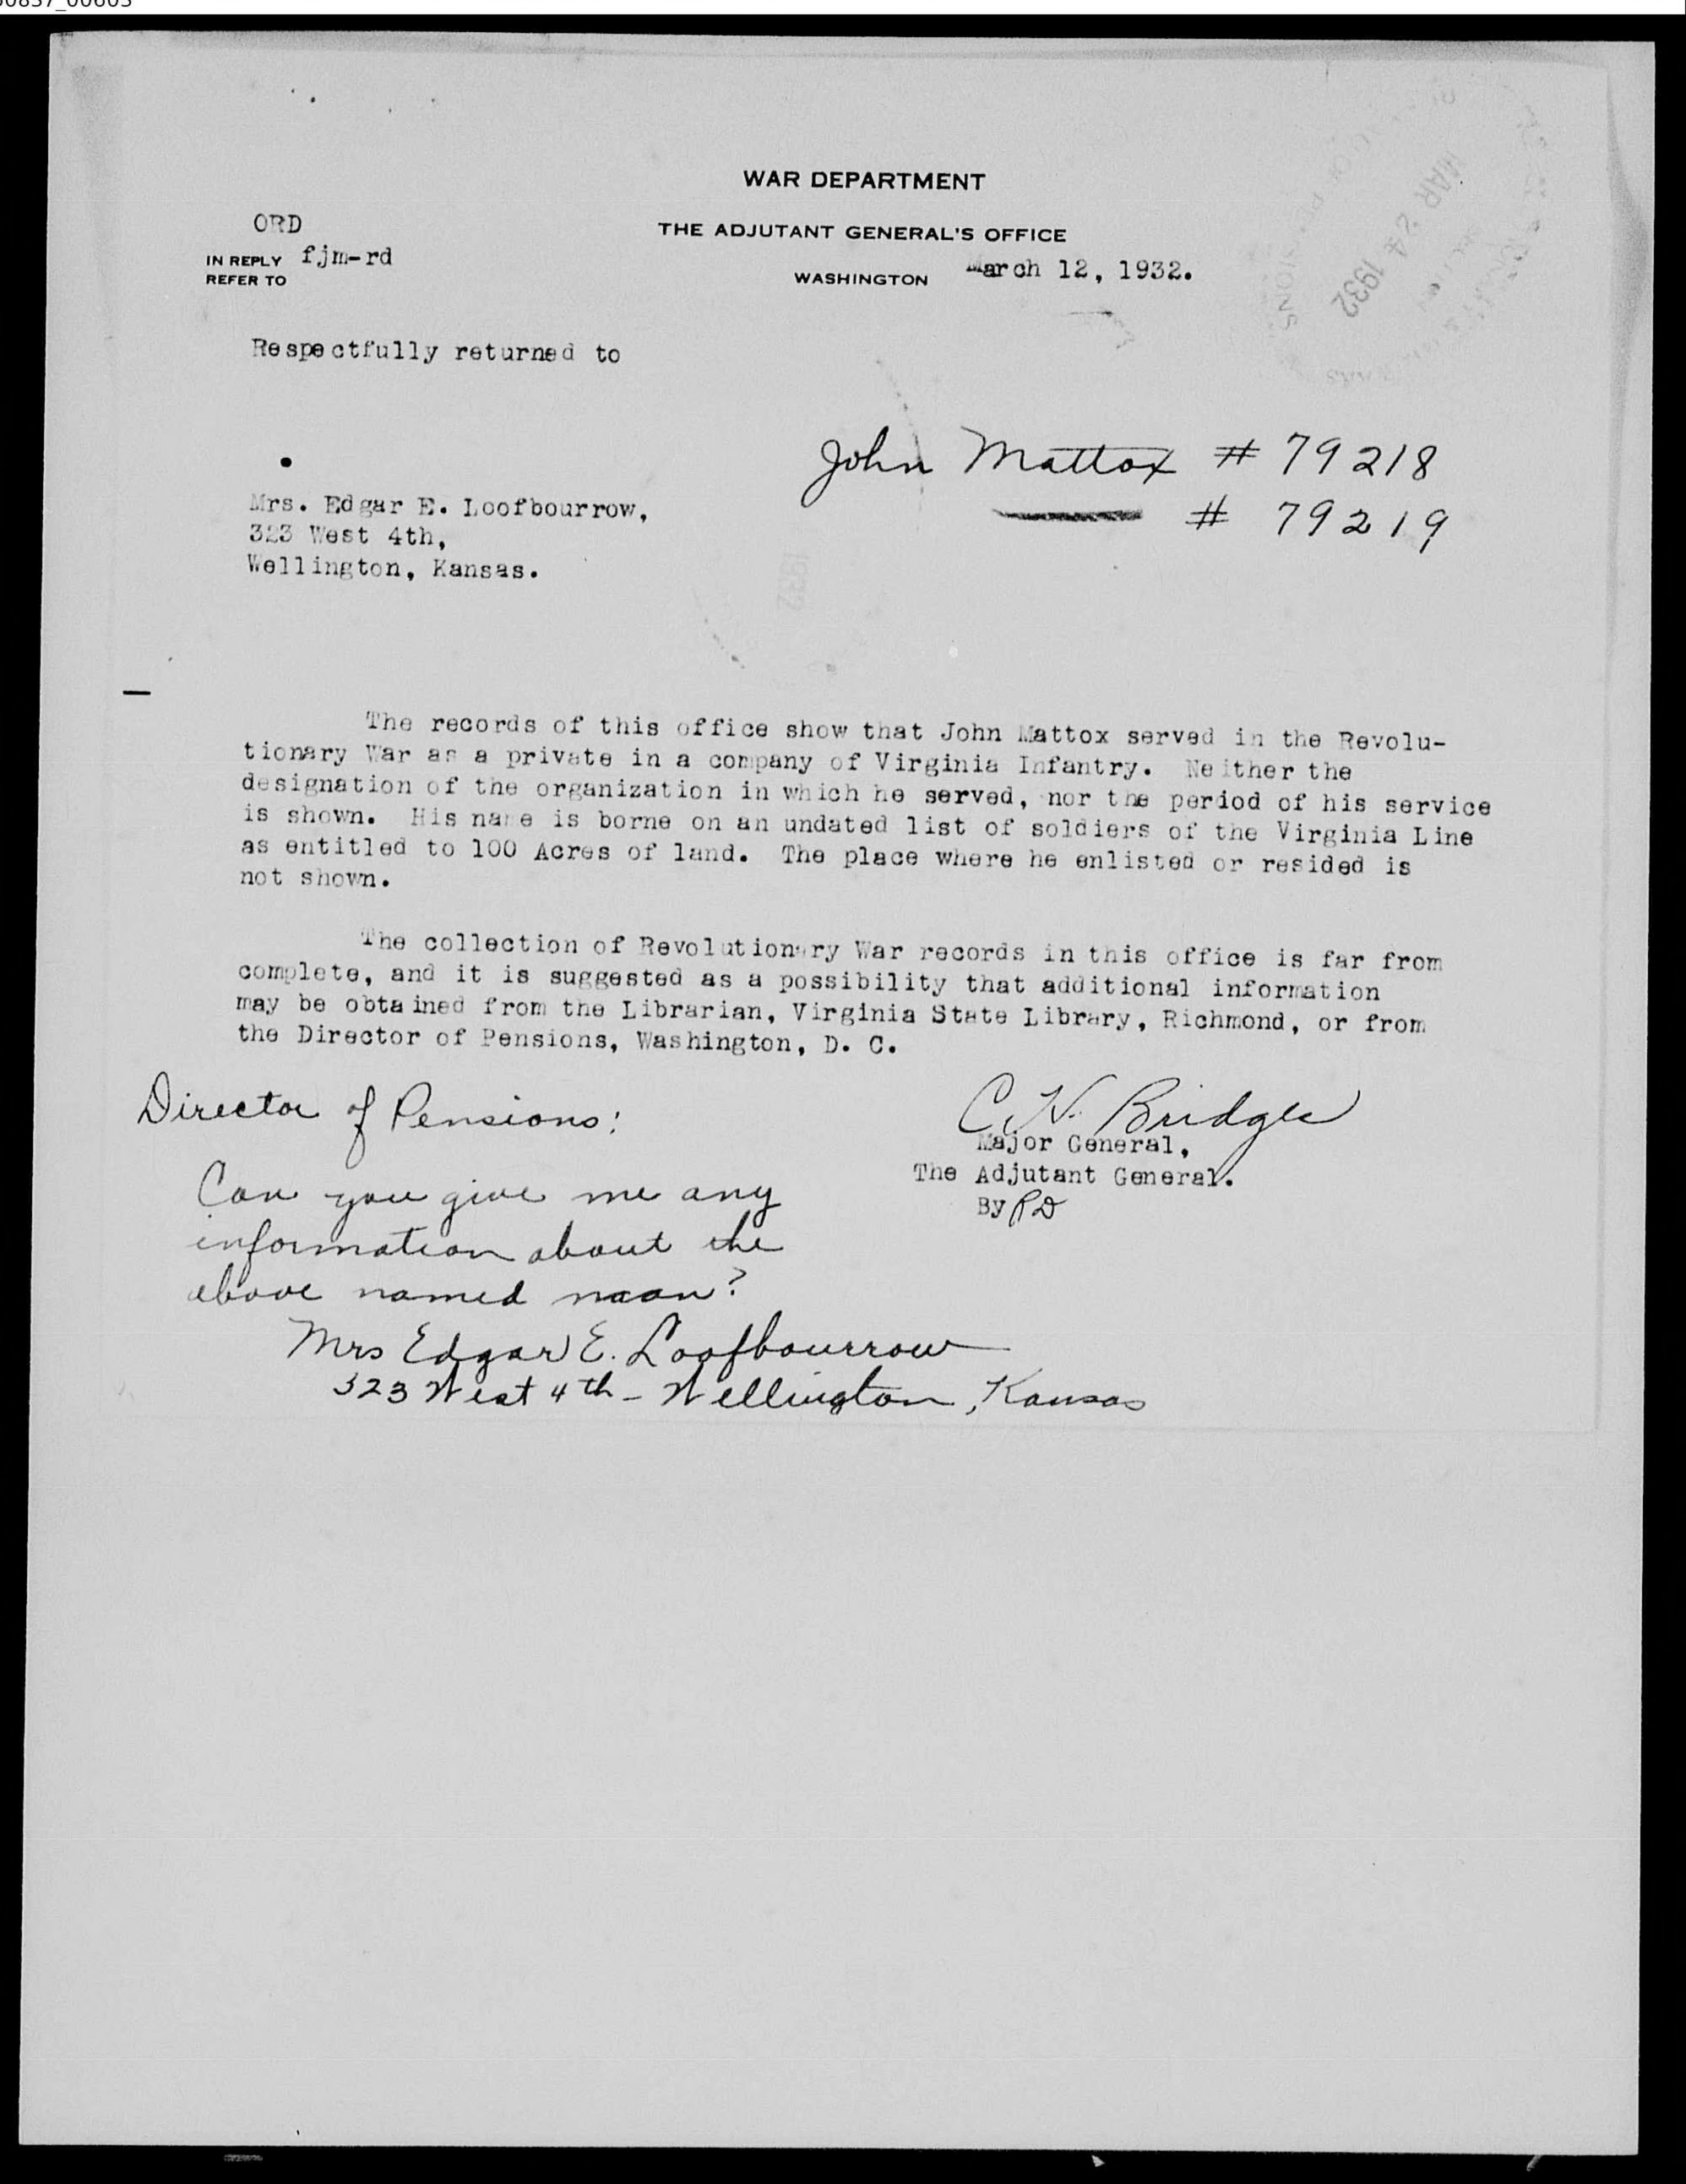[Stamp]
[illegible first line]
Office of Pensions
Received
Mar 24 1932
[/Stamp]

WAR DEPARTMENT
The Adjutant General's Office
Washington  March 12, 1932.

ORD
In reply fjm-rd
Refer to     
  
Respectfully returned to

Mrs. Edgar E. Loofbourrow,
323 West 4th
Wellington, Kansas

[right] John Mattox # 79218
[right] John Mattox # 79219

The records of this office show that John Mattox served in the Revolutionary War as a private in a company of Virginia Infantry. Neither the designation of the organization in which he served, nor the time period of his service is shown.  His name is borne on an undated list of soldiers of the Virginia Line as entitled to 100 acres of land.  The place where he enlisted or resided is not shown.

The collection of Revolutionary War records in this office is far from complete, and it is suggested as a possibility that additional information may be obtained from the Librarian, Virginia State Library, Richmond, or from the Director of Pensions, Washington, D.C.

[signed] C.H. Bridges
Major General,
The Adjutant General.
by RD

Director of Pensions:
Can you give me any information about the above named man?
Mrs. Edgar E Loofbourrow
323 West 4th - Wellington, Kansas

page: 2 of 5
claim: bounty land warrant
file: B.L.Wt. 12374-100, for John Mattox, Virginia